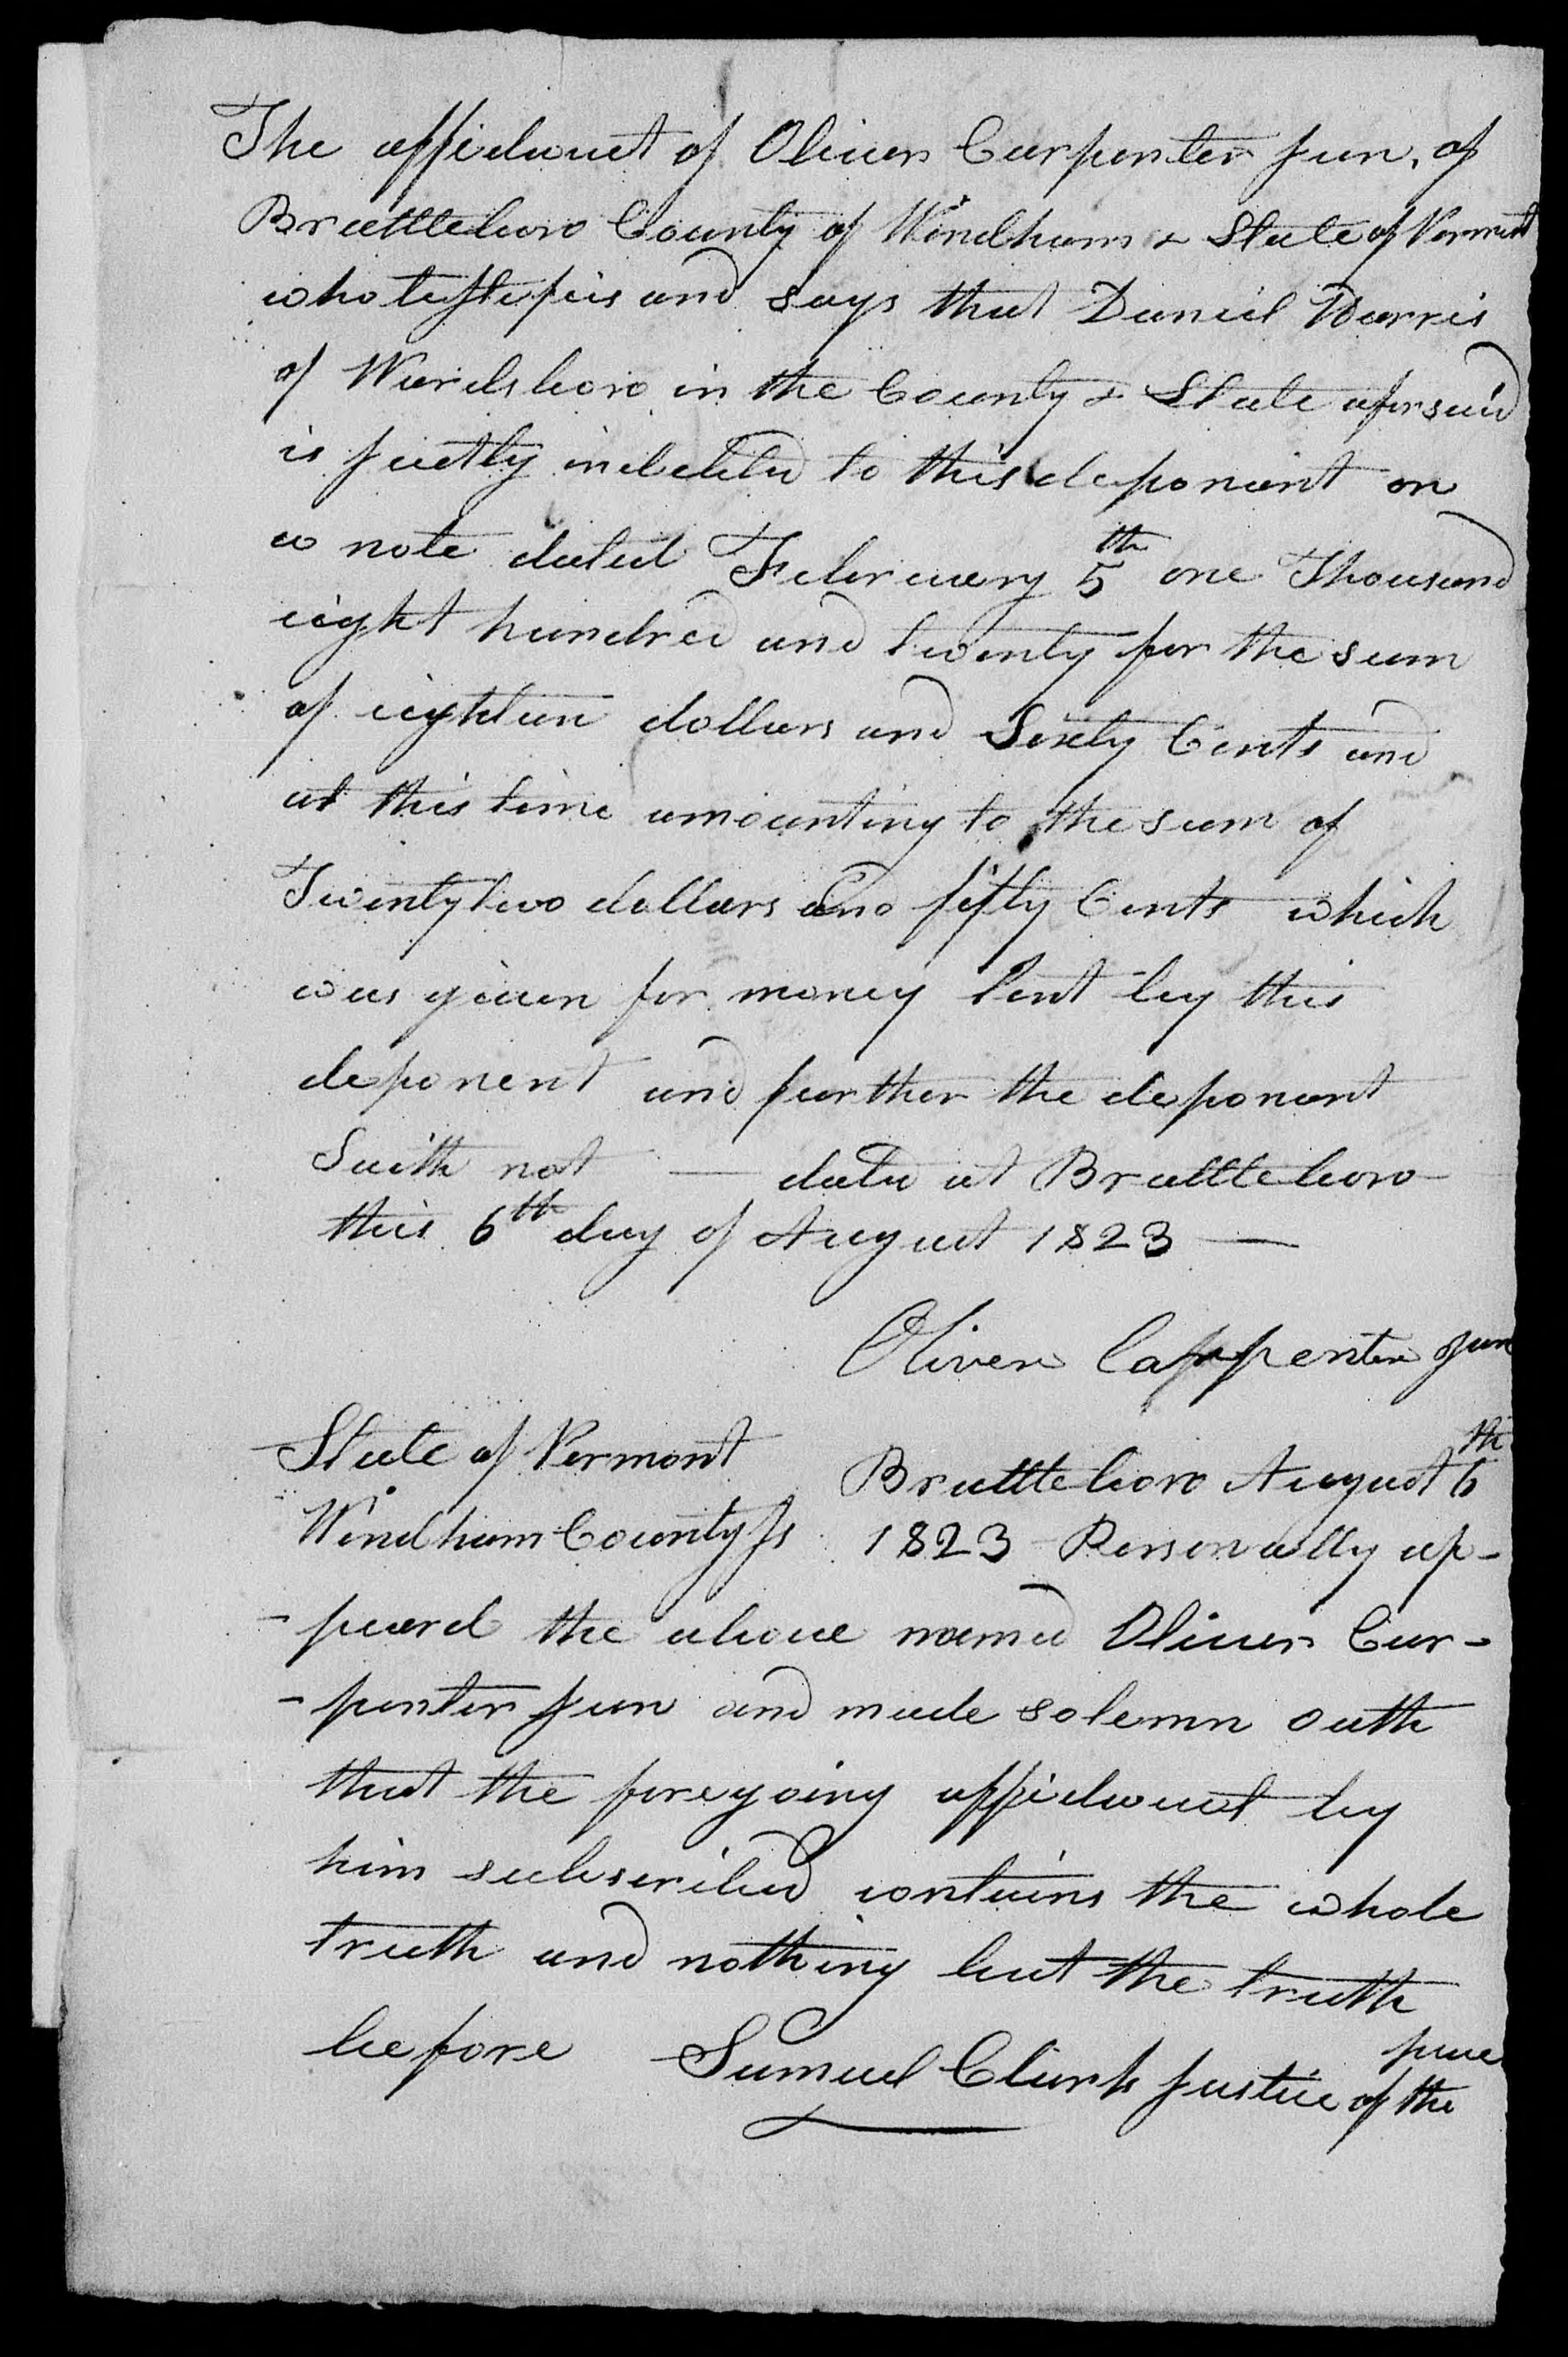The affidavit of Oliver Carpenter Jun. of Brattleboro, County of Windham & State of Vermont who testifies and says that Daniel Harris of Wardsboro in the county & state aforesaid is justly indebted to this deponant on a note dated February 5th one Thousand eight hundred and twenty for the sum of eighteen dollars and Sixty Cents and at this time amounting to the sum of Twenty two dollars and Fifty cents which was given for money lent by this deponant and further the deponant  is with not. 
dated at Brattleboro this 6th day of August 1823
      Oliver Carpenter Jun  (signature)

State of Vermont
Windham County ss  Brattleboro August 6th 1823. Personally appeared the above named Olover Carpenter Jun and made solemn oath that the foregoing affidavit by him subscribed contains the whole truth and nothing but the truth before Samuel Clark Justice of the Peace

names: Oliver Carpenter, Oliver Carpenter, Samuel Clark, Oliver Carpenter, Daniel Harris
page: 62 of 68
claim: survivor's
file: S. 29,877, Daniel Harris, Mass.